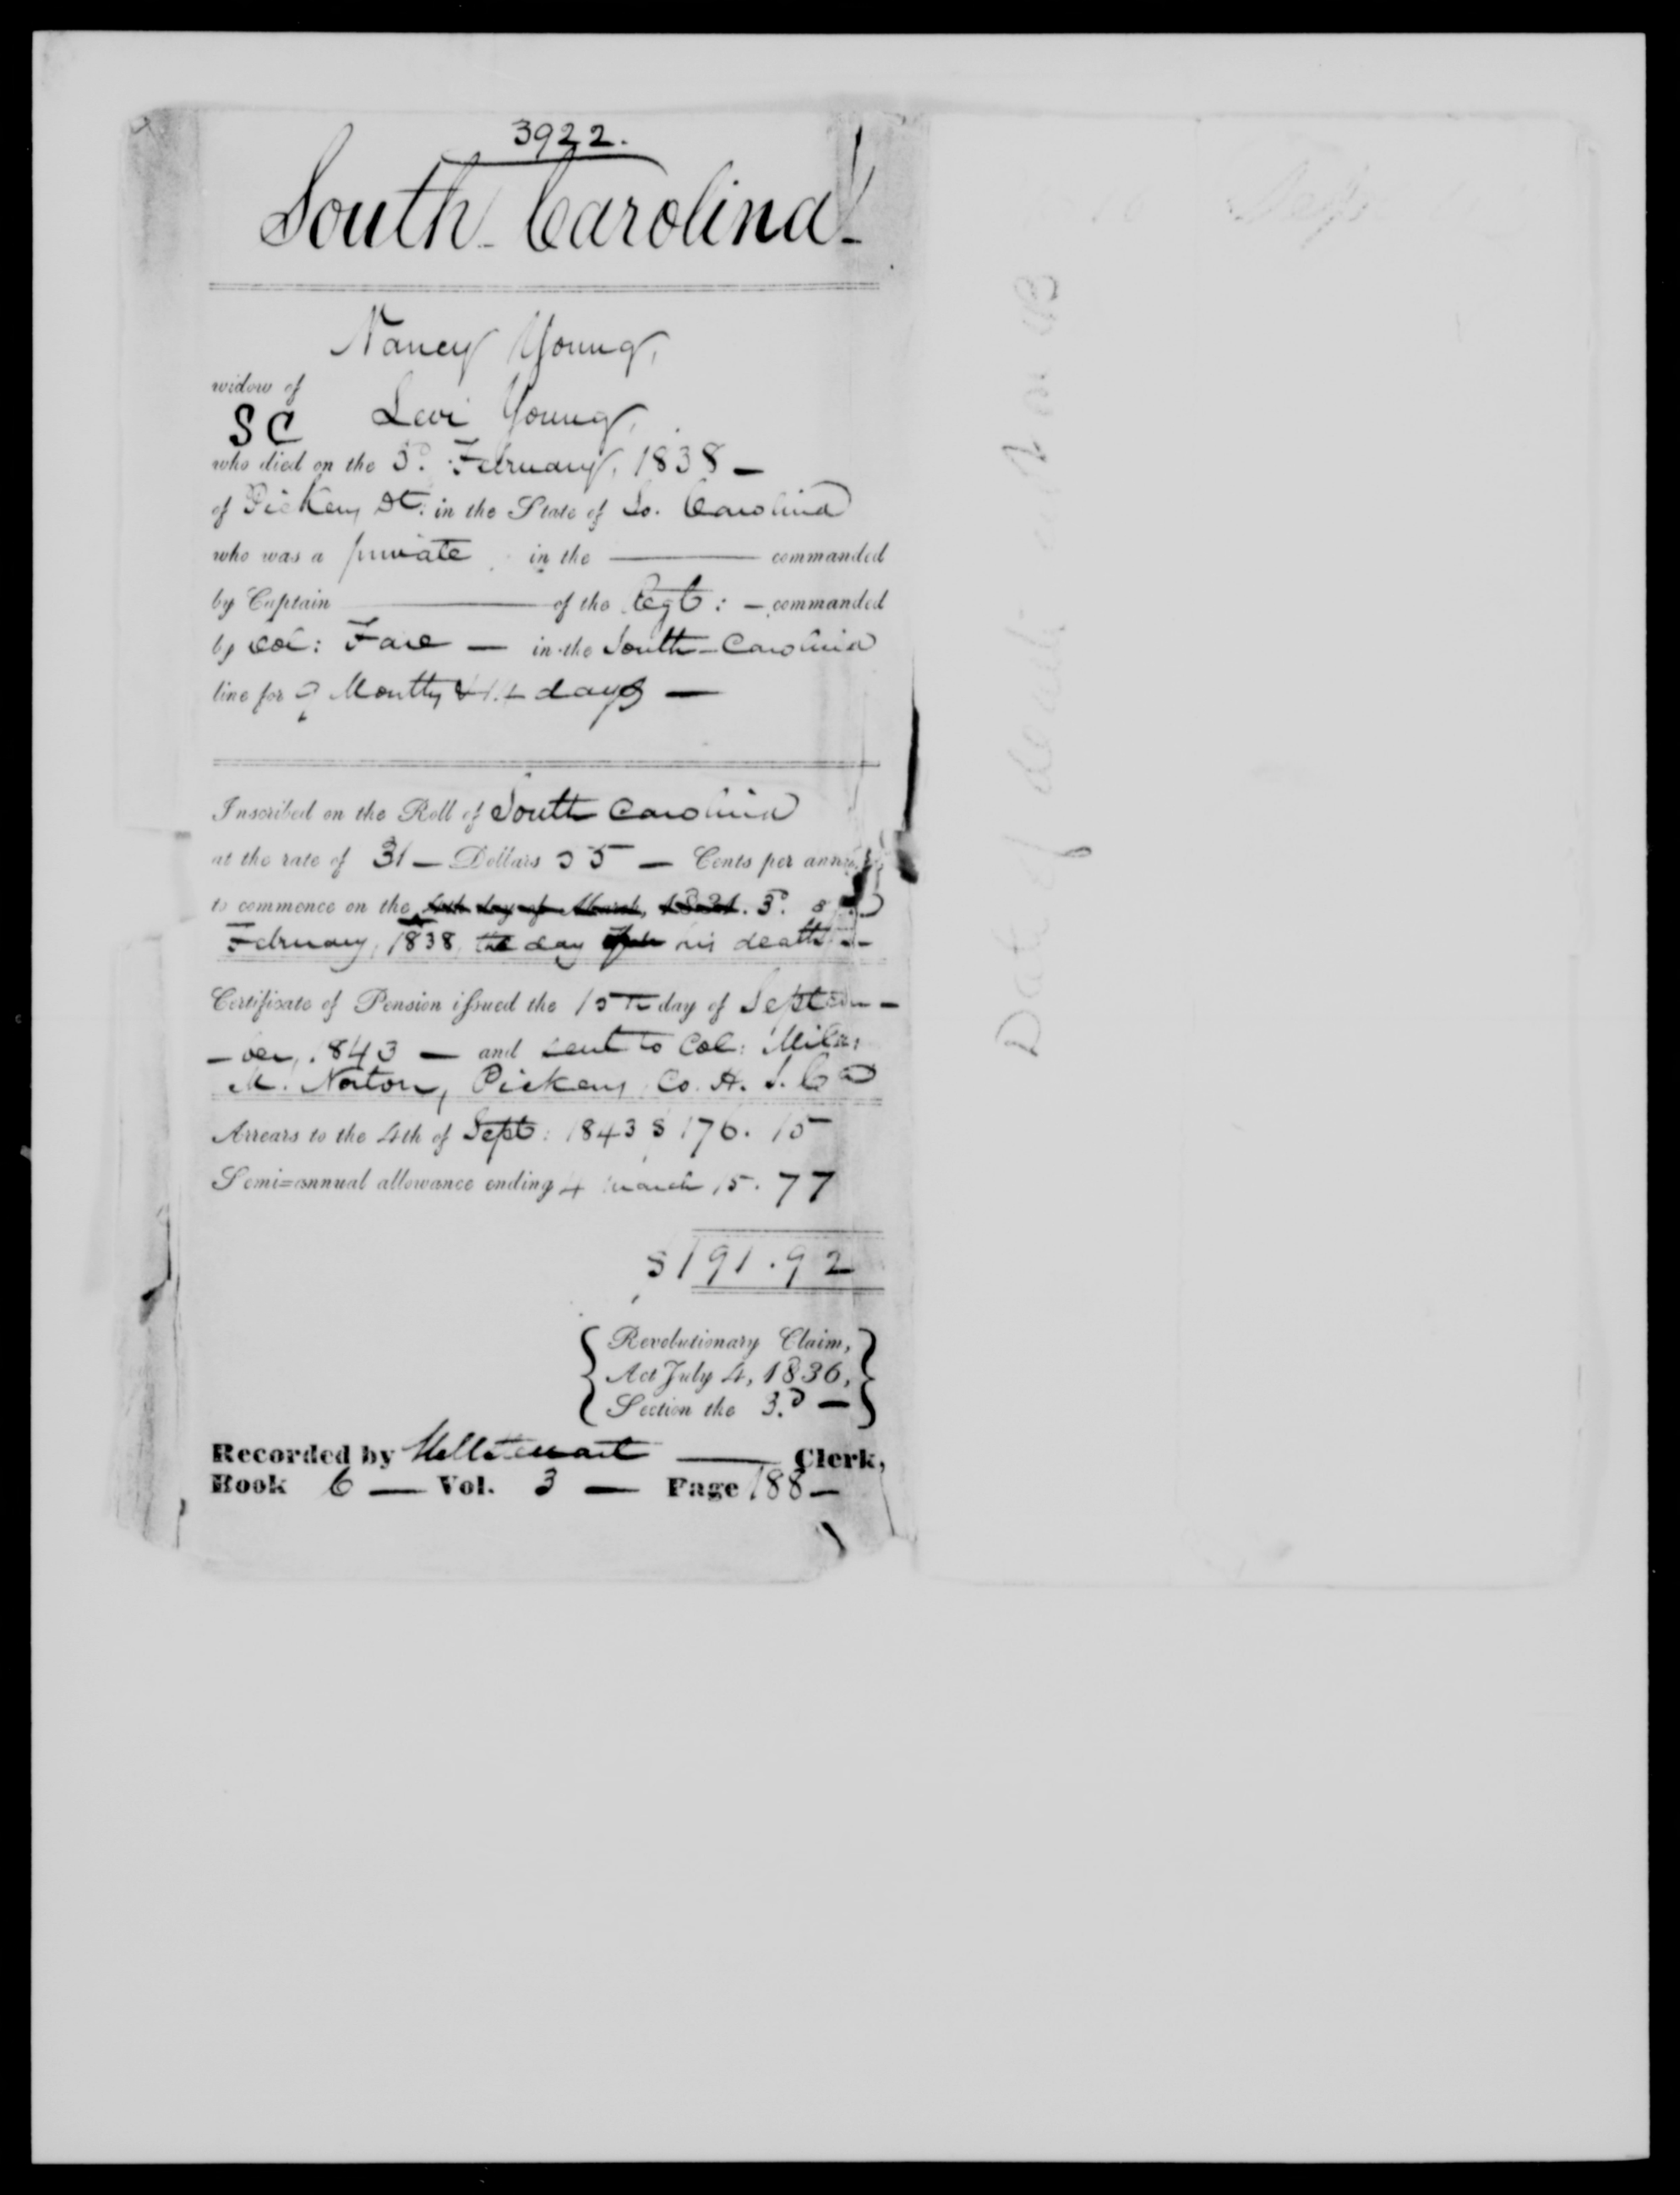(Left page of certificate)

3922.
South Carolina
Nancy Young,
widow of SC [South Carolina] Levi Young,
who died on the 3d. February, 1838.
of Pickens Dt. [District] in the State of So. [South] Carolina
who was a private in the (blank) commanded
by Captain (blank) of the Regt: (Regiment) commanded
by Col: Fare in the South Carolina
line for 9 Months + 14 days

Inscribed on the Roll of South Carolina
at the rate of 31 __ Dollars 55 ___ Cents per annum
to commence on the (text crossed out) 3d 
February, 1838, the day of his death.

Certificate of Pension issued the 15th day of Sepem-
ber 1843 and sent to Col: Miles
M. Norton, Pickens Co. H. S. C. [Court House South Carolina]

Arrears to the 4th of Sept: 1843 176.15
Semi=annual allowance ending 4 March [no year stated] 15.77
$191.92
{Revolutionary Claim,}
{Act July 4, 1836}
{Section the 3.d --}

Recorded by W. [William] M. Stewart _____ Clerk,
Book 6 Vol. 3 Page 188

(Right page of the certificate)
Date of death (text illegible) 43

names: W M Stewart, Miles M Norton, Nancy Young, Levi Young, Fare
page: 3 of 56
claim: widow's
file: W. 9040, Levi Young, Ga. New Jersey S.C.